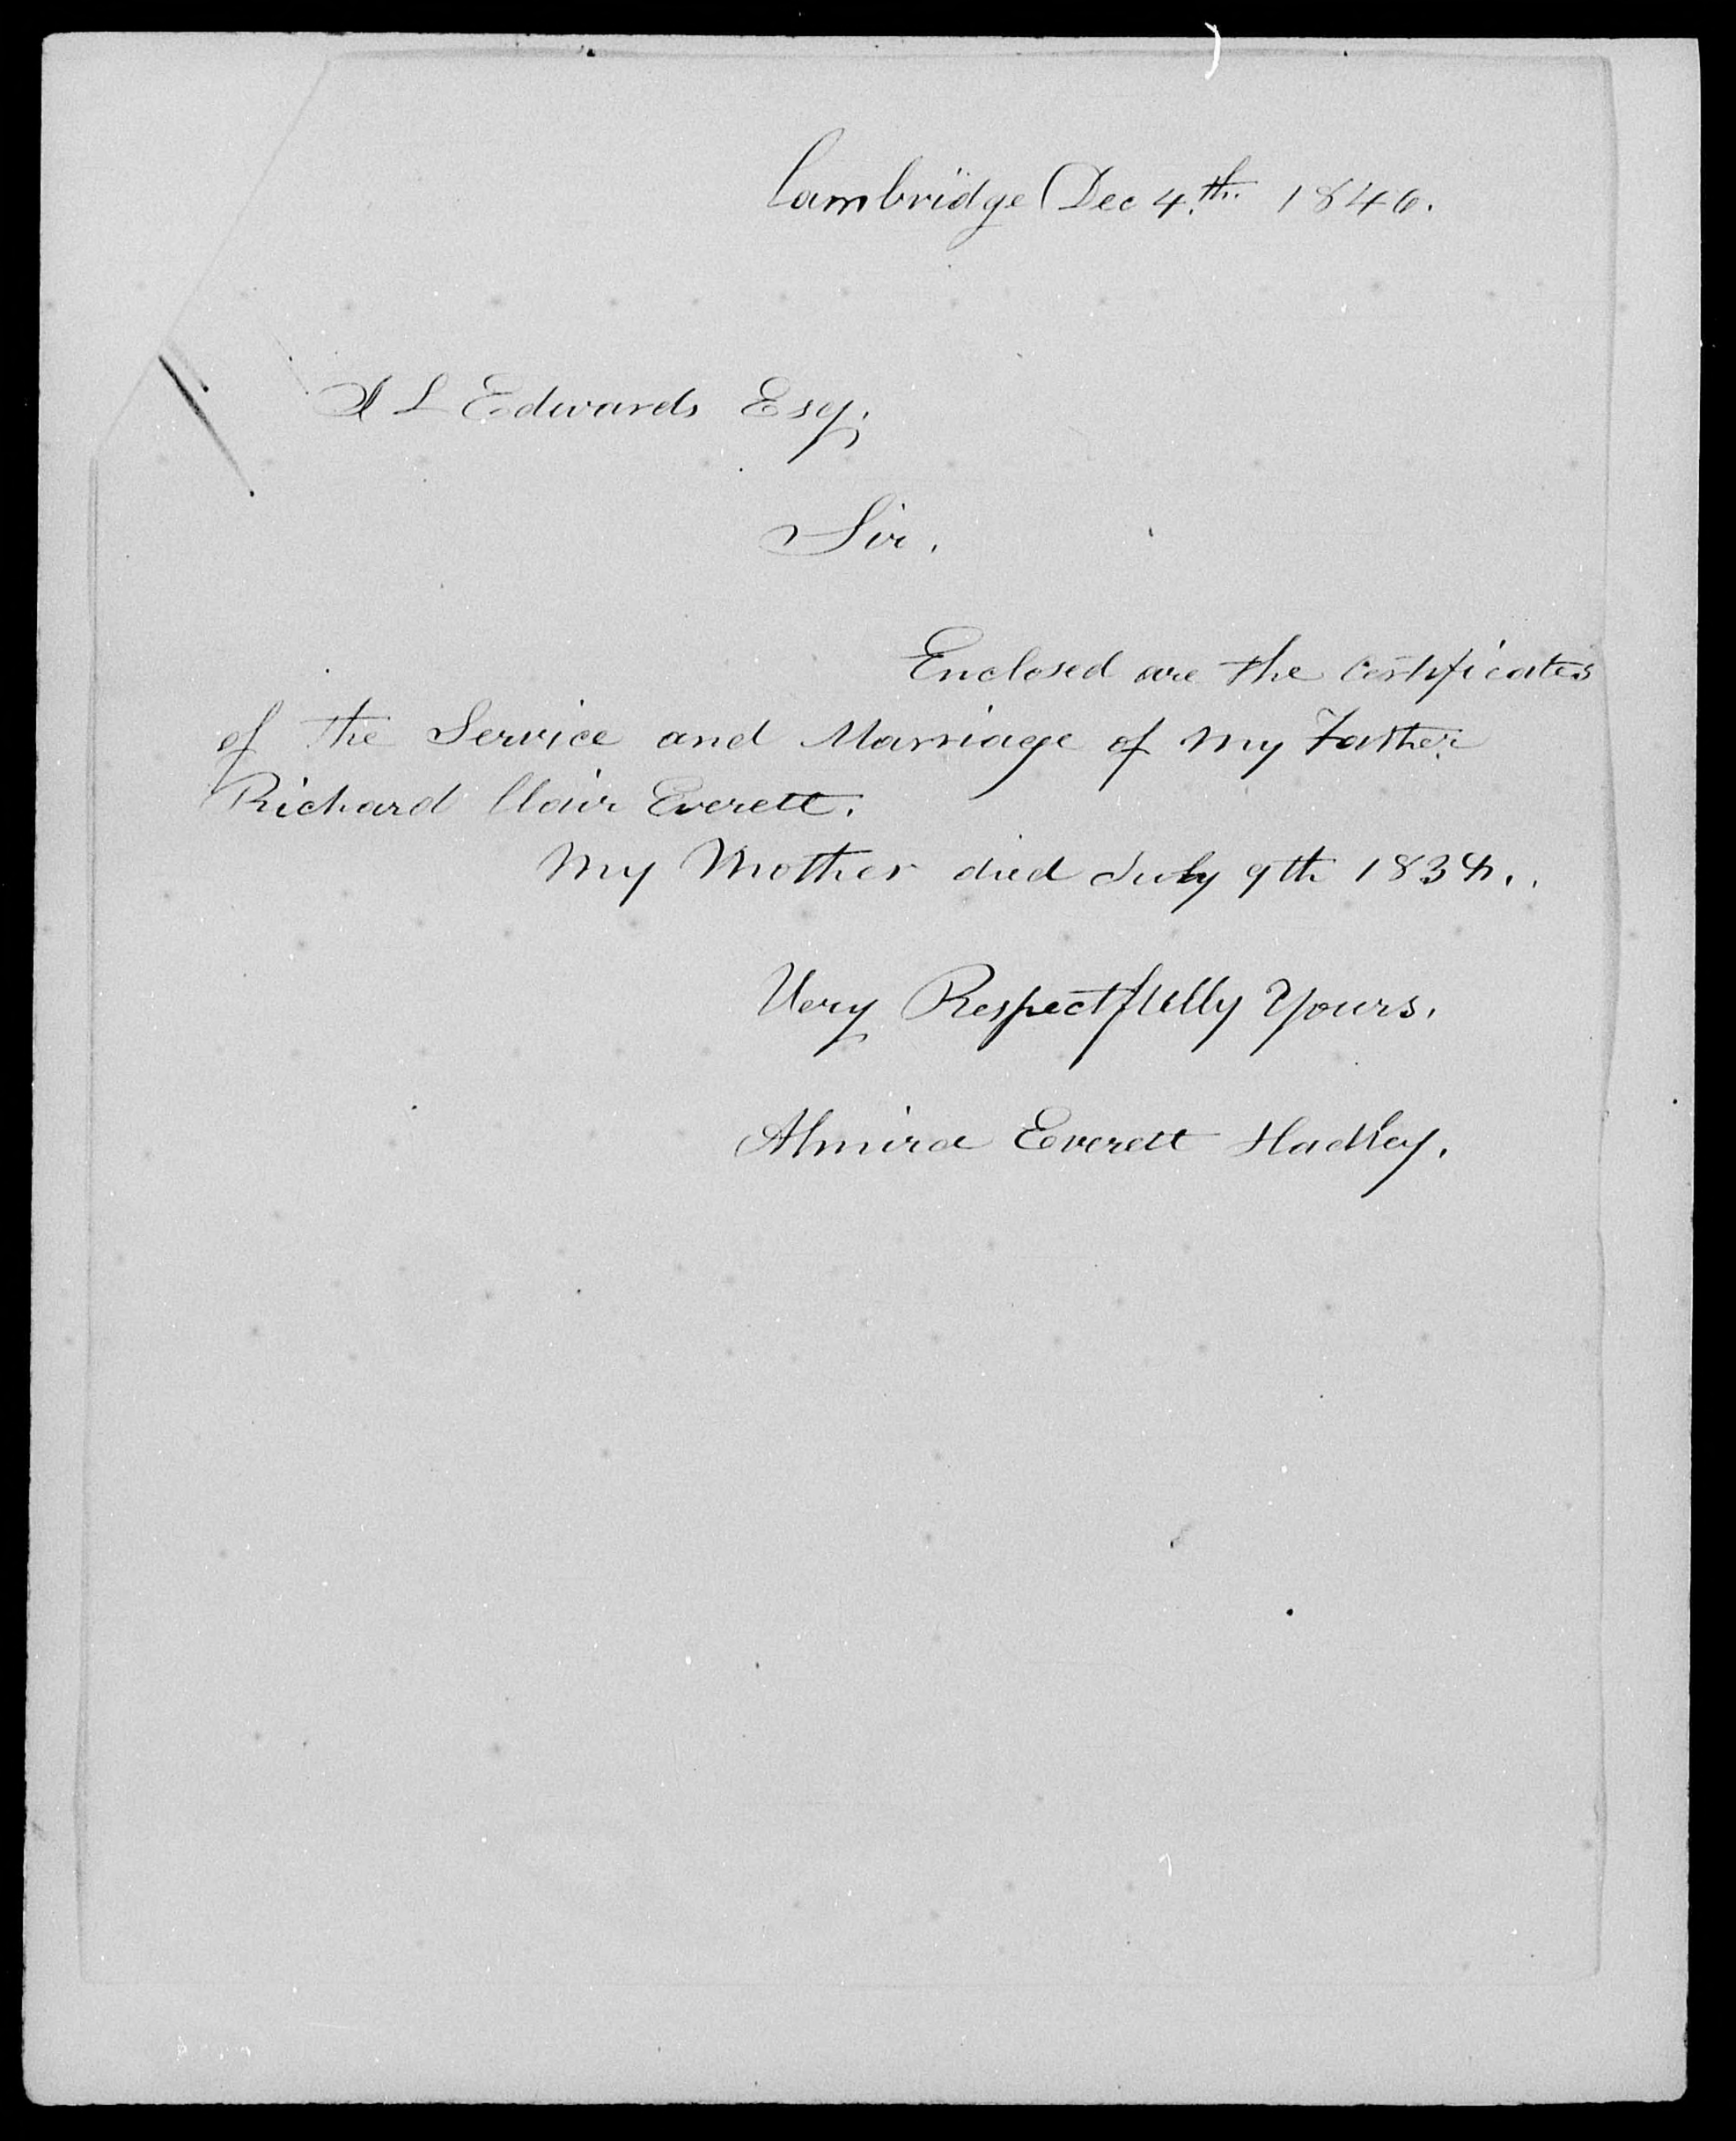Cambridge Dec 4th 1846
J L Edwards Esq.
Sir,
Enclosed are the certificates
the Service and Marriage of my Father
Richard Clair Everett,
my Mother died July 9th 1838.
Very Respectfully yours,
Almira Everett Hadley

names: J L Edwards, Almira Everett Hadley, Richard Clair Everett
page: 26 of 59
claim: widow's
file: W. 23017, Richard Clair Everett, Mass.